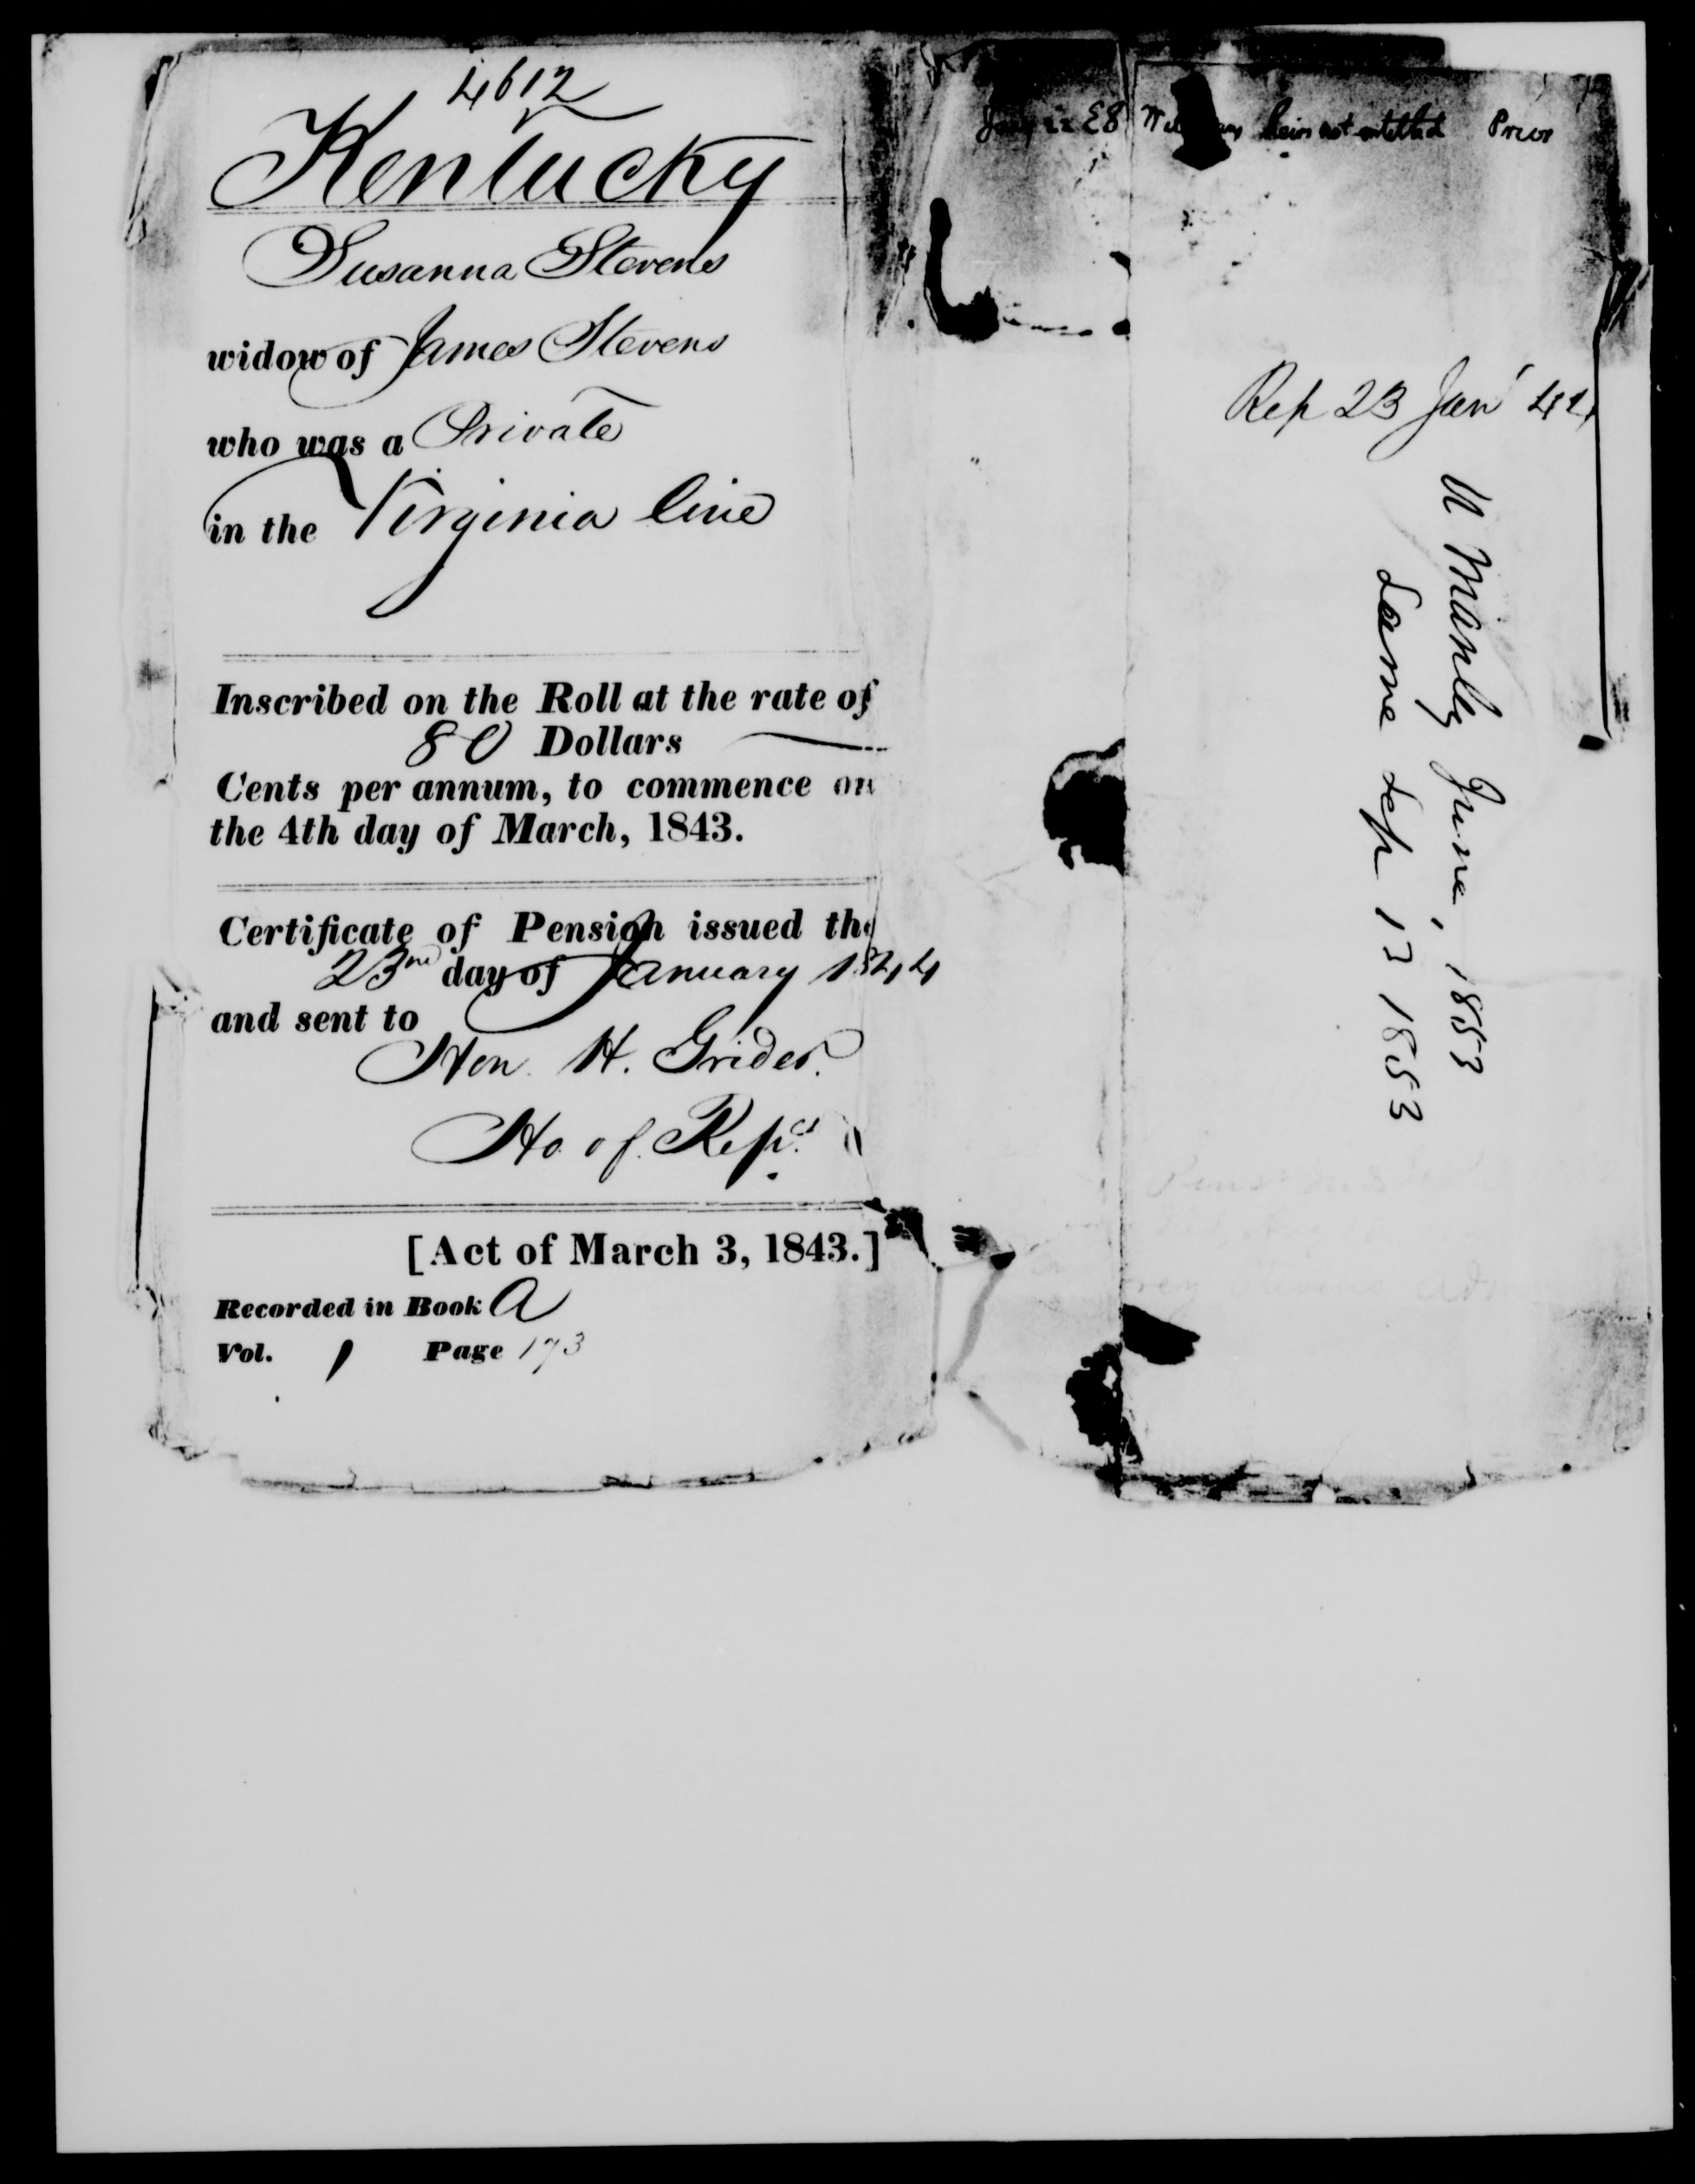4612
Kentucky
Susanna Stevens
widow of James Stevens
who was a Private
in the Virginia line
Inscribed on the Roll at the rate of
80 Dollars
Cents per annum, to commence on
the 4th day of March, 1843.
Certificate of Pension issued the
23rd day of January 1844
and sent to Hon H. Grider
Ho of Rep.
Act of March 3, 1843.
Recorded in Book A
Vol. 1 Page 173
[Illegible] heirs not stated Prior
Rep 23 Jan '44
U Manley June, 1853
Same Sep 13 1853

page: 4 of 99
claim: widow's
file: W 8766, for James Stevens, Virginia